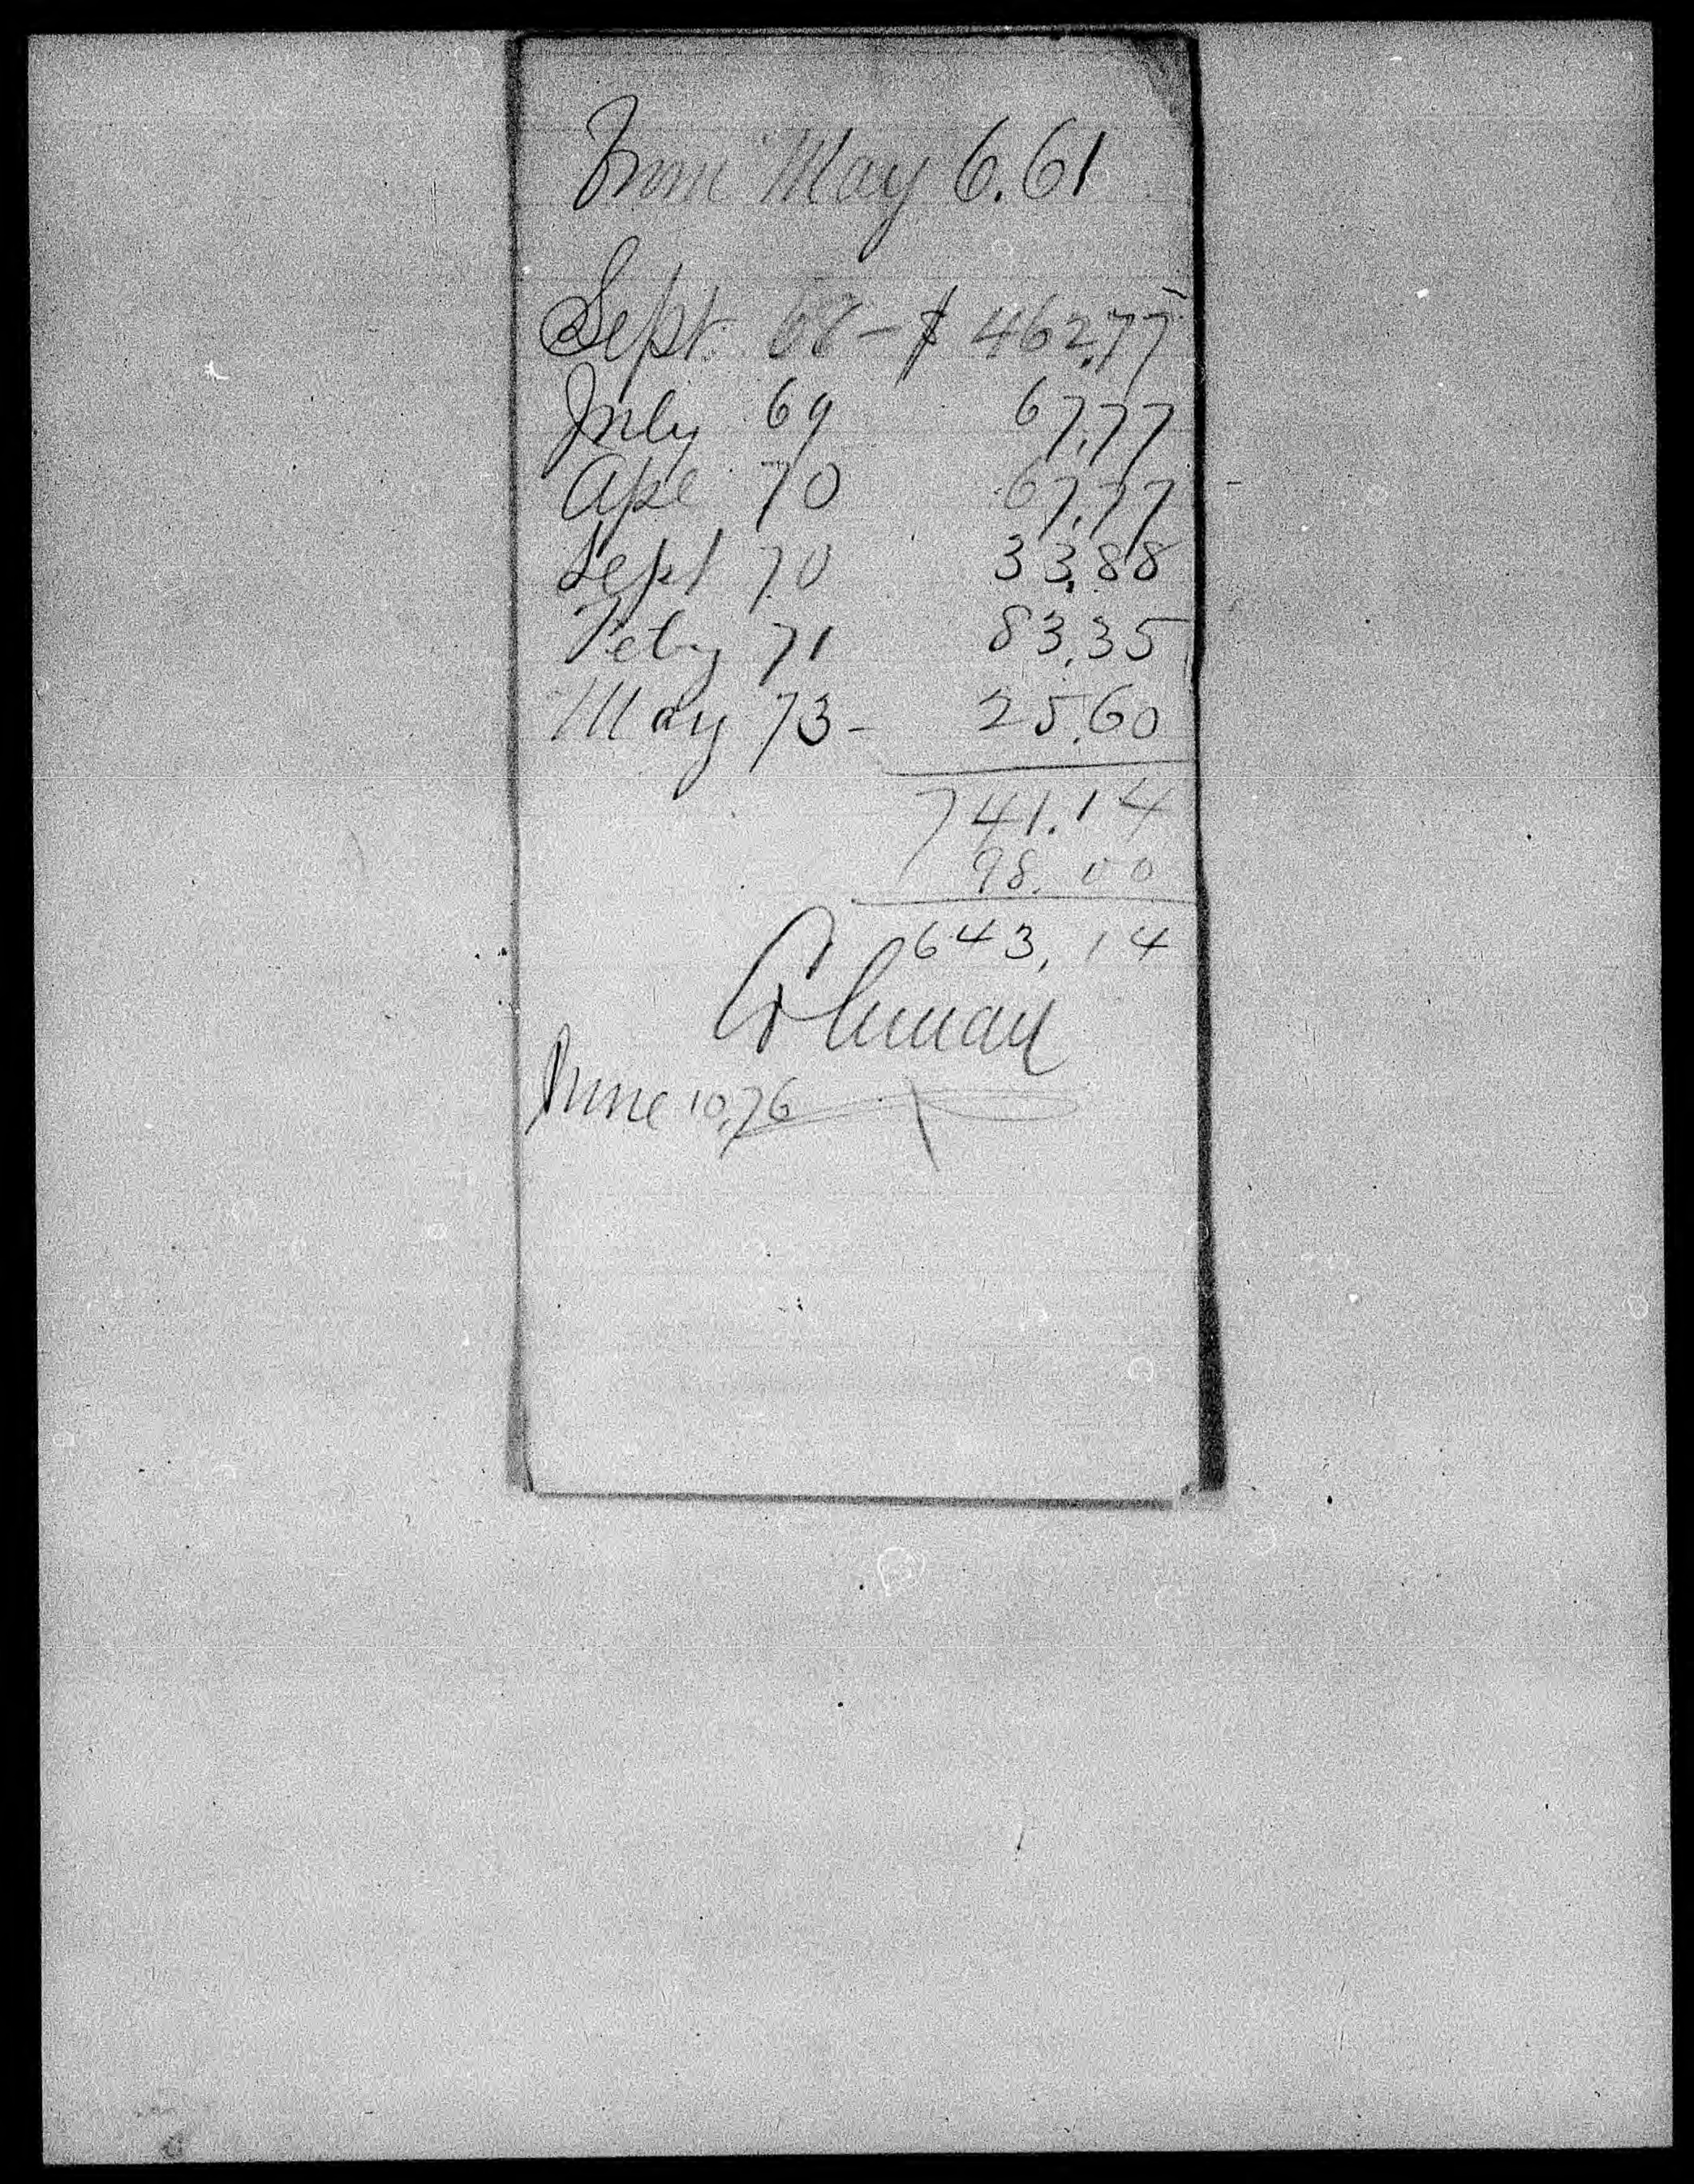From May 6.61
Sept 68 - $462.77
July   69         67.77
Apl     70         67.77
Sept   70        33.88
Feby   71        83.35
May    73        25.60
                         _____
                         741.14
                           98.00
                          ______
                          643.14

Coleman
June 10,  76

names: [BLANK] Coleman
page: 61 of 115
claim: widow's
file: W. 1446, for John Mc Clung, South Carolina